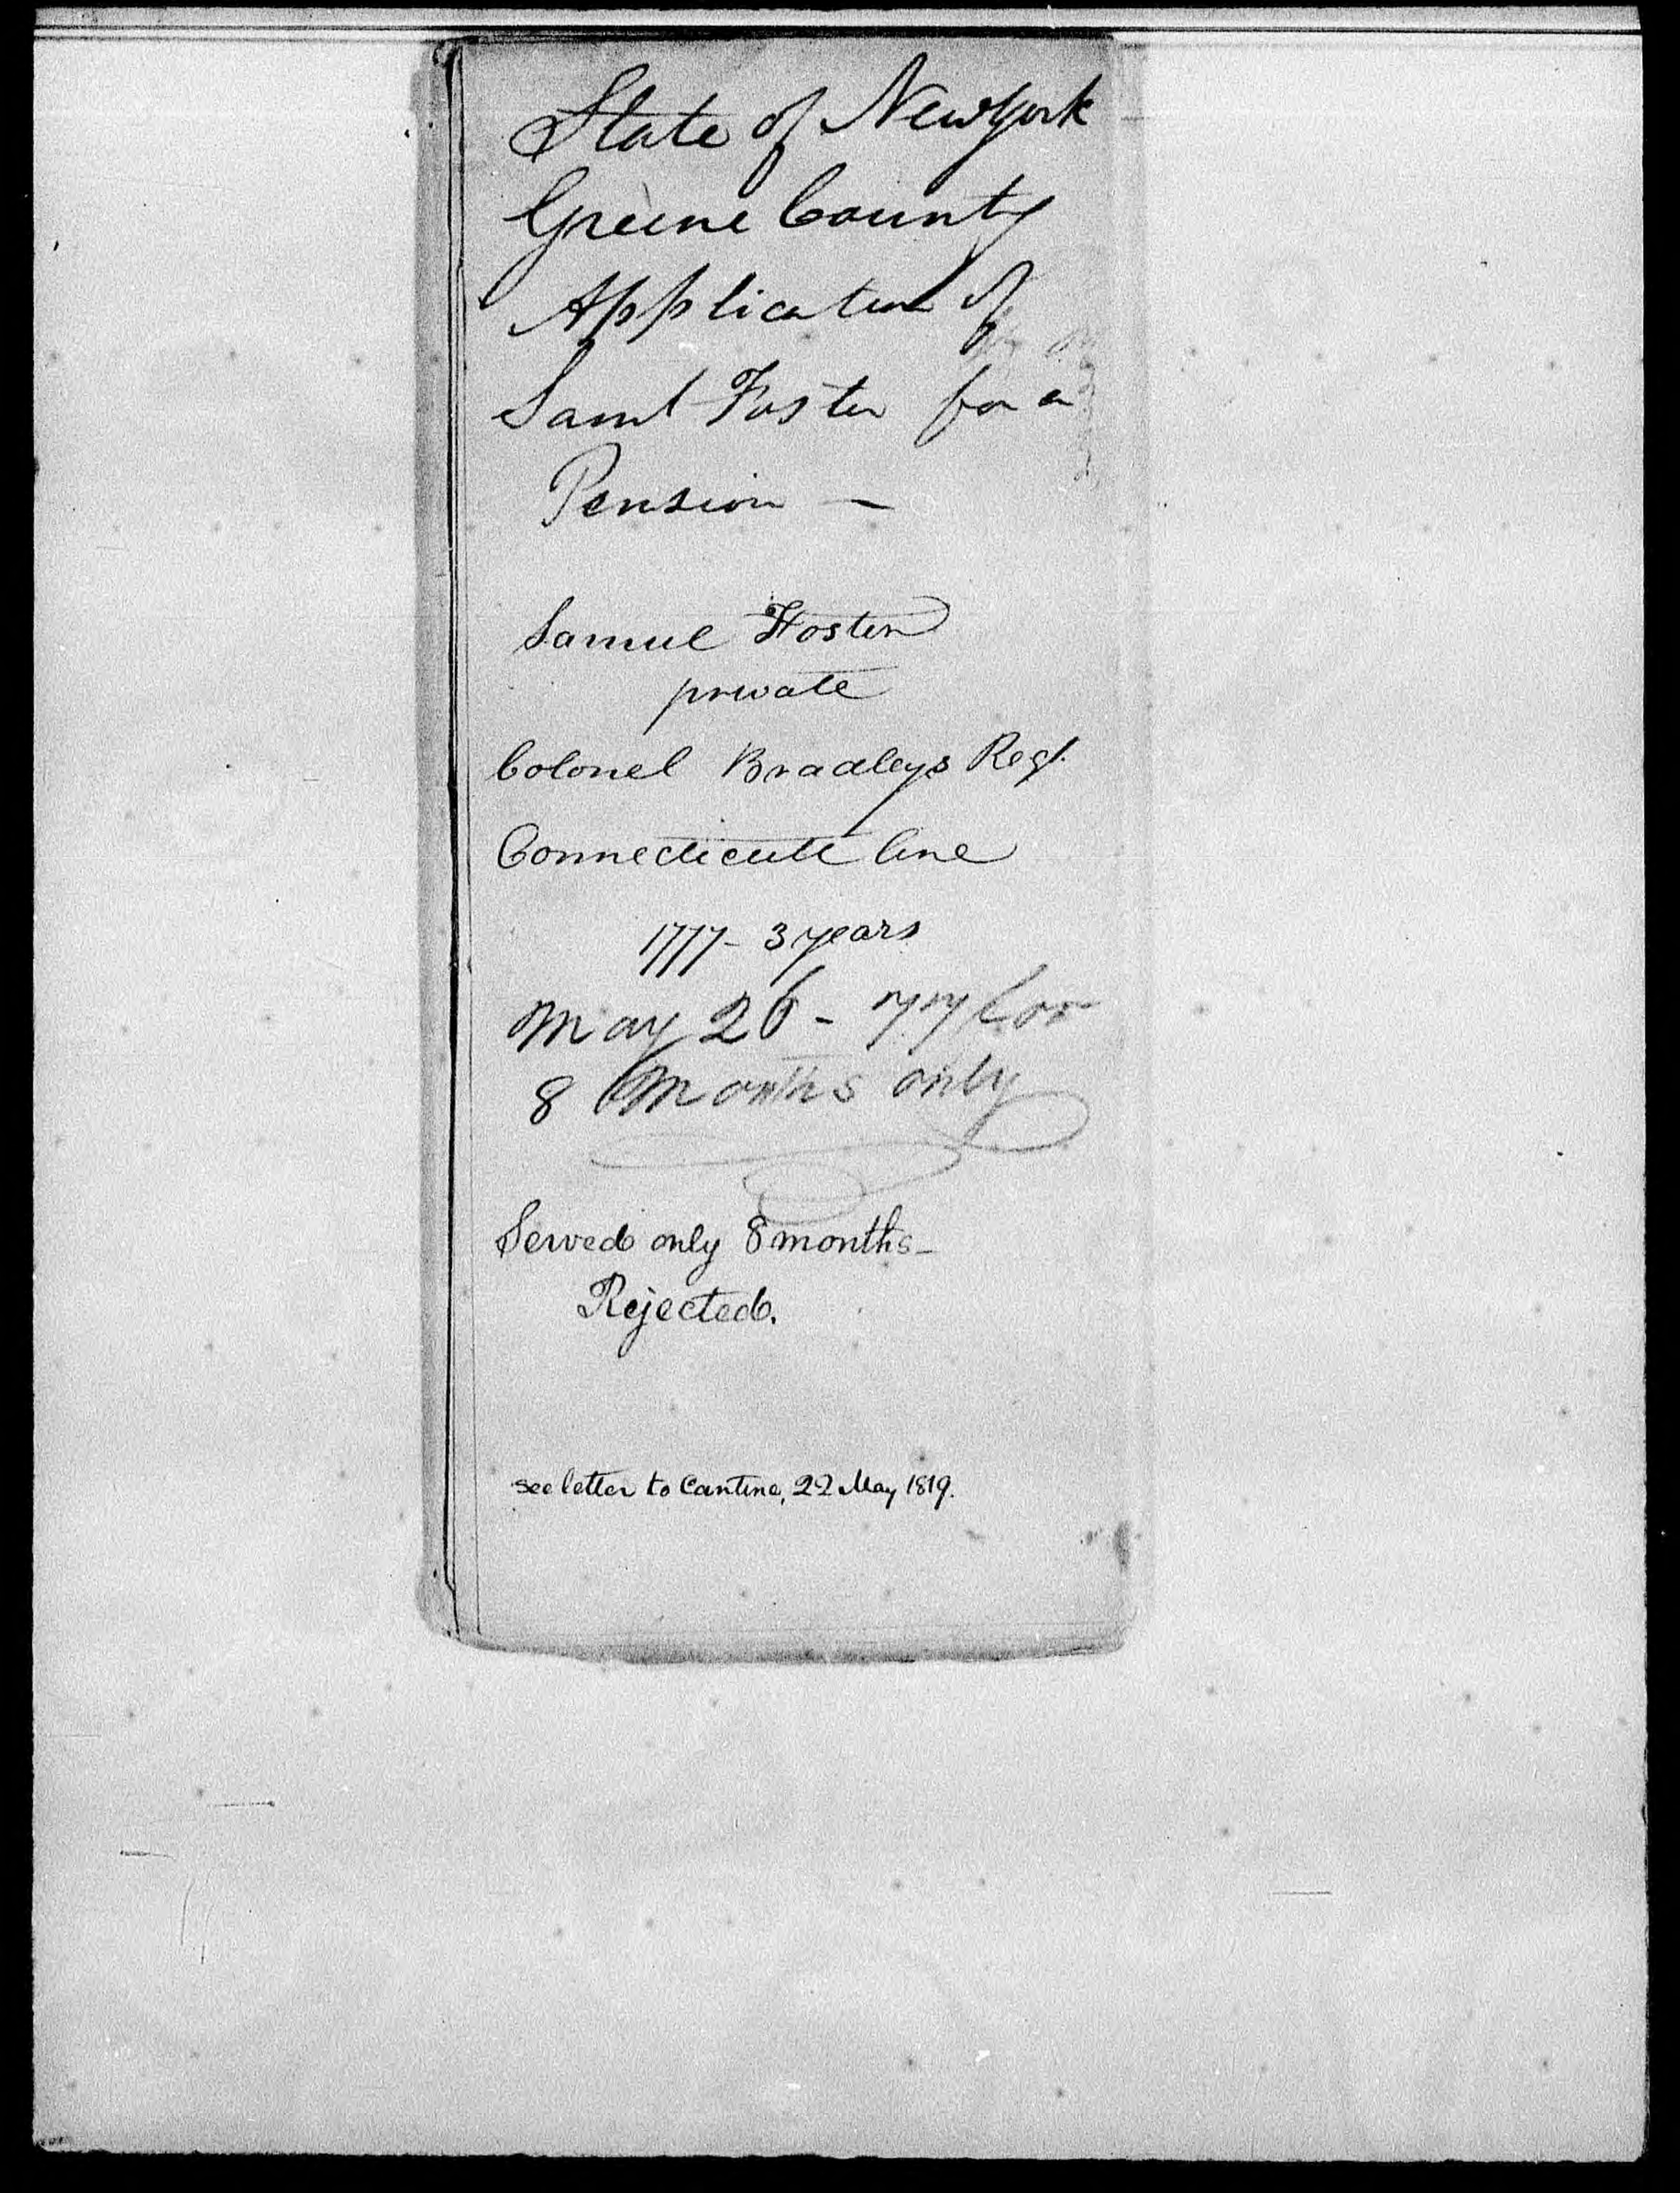State of New York
Greene County
Application of 
Saml Foster for a 
Pension -
Samuel Foster
private
Colonel Bradleys Regt
Connecticut line
1777 - 3 years
May 26 - 77 for 8 months only
[large handwritten flourish]
Served only 8 months_
Rejected.
see letter to Cantine, 22 July 1819.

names: Cantine, Samuel Foster, Saml Foster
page: 24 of 54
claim: survivor's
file: S. 13,043, Samuel Foster, Conn.